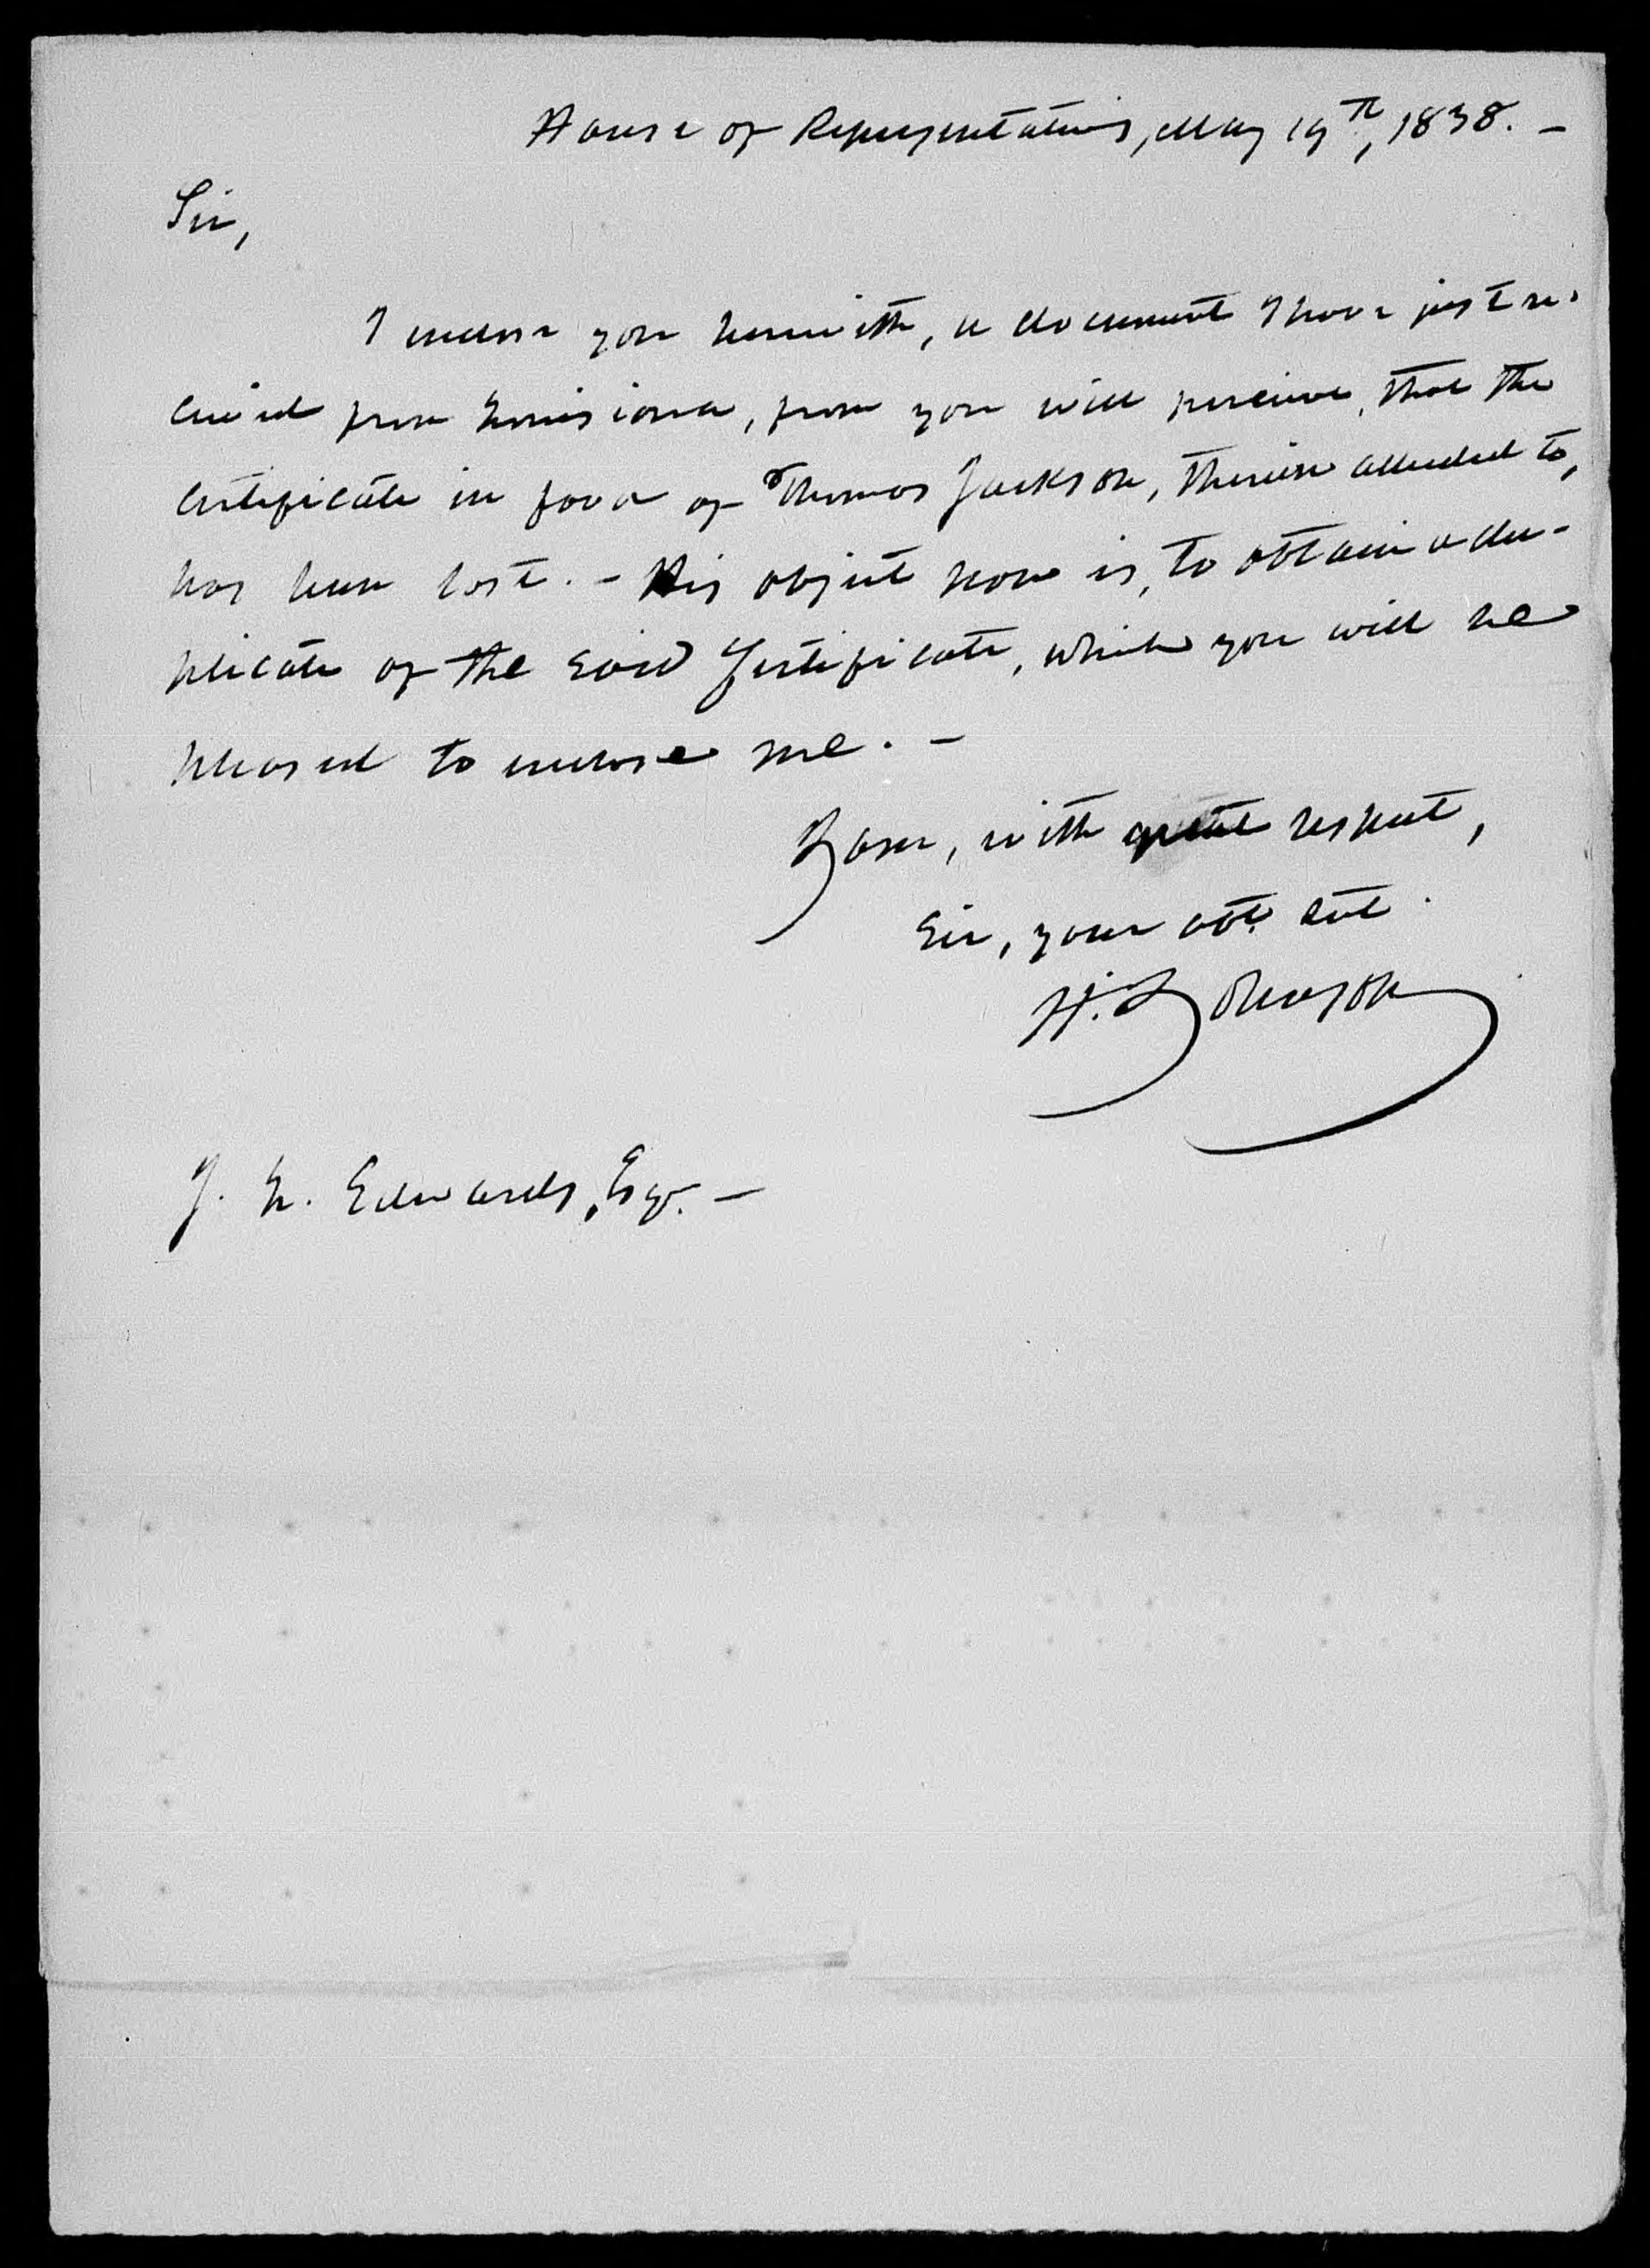House of Representations. May 19th 1838.
Sir,
I send  you herewith, a document I have just received
from Louisiana, from you will perceive that the
certificate in favor of Thomas Jackson, therein attended to
has been lost.  His object now is, to obtain a
duplicate of the said Certificate, which you will be
pleased to inform me.

Yours, with great respect,
Sir, your obt svt.
[signature illegible]

J. L. Edwards Esq.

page: 35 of 54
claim: survivor's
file: S. 31166, for Thomas Jackson, South Carolina